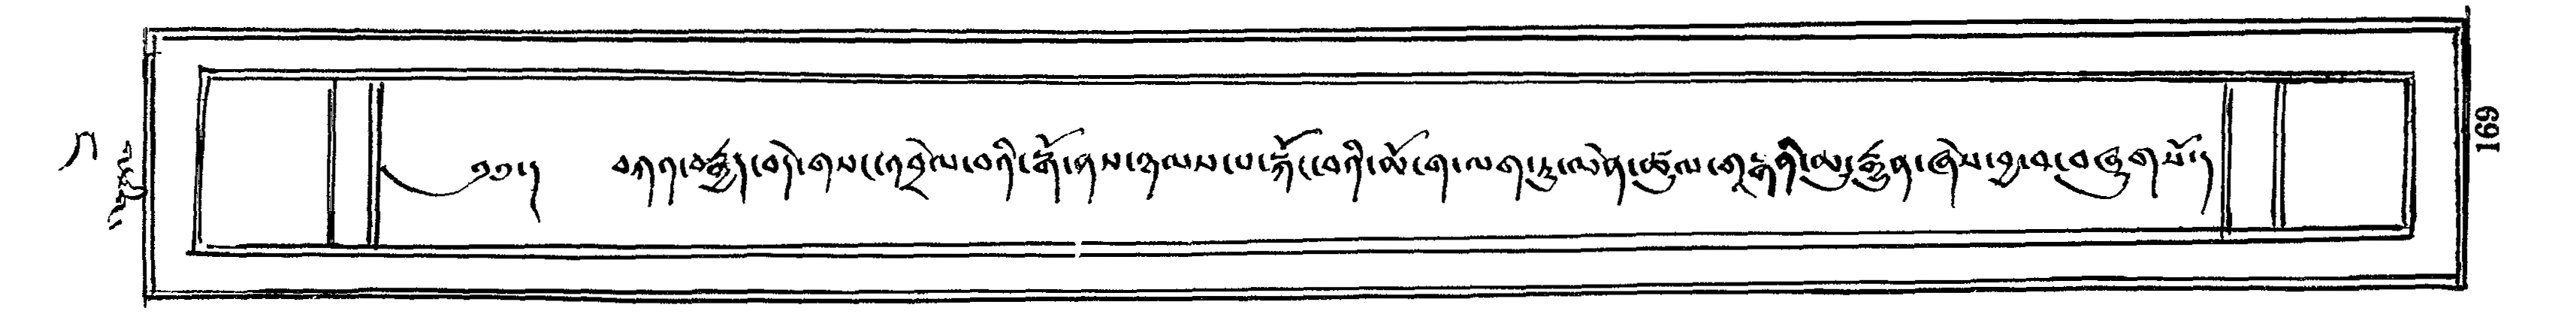༄༅། བཀའ་བརྒྱད་བདེ་གསང་འབྲེལ་བའི་སྒོ་ནས་ཉམས་པ་སྐོང་བའི་ཆོ་ག་ལག་ཏུ་ལེན་ཚུལ་གངྒའི་ཆུ་རྒྱུན་ཞེས་བྱ་བ་བཞུགས་སོ།།